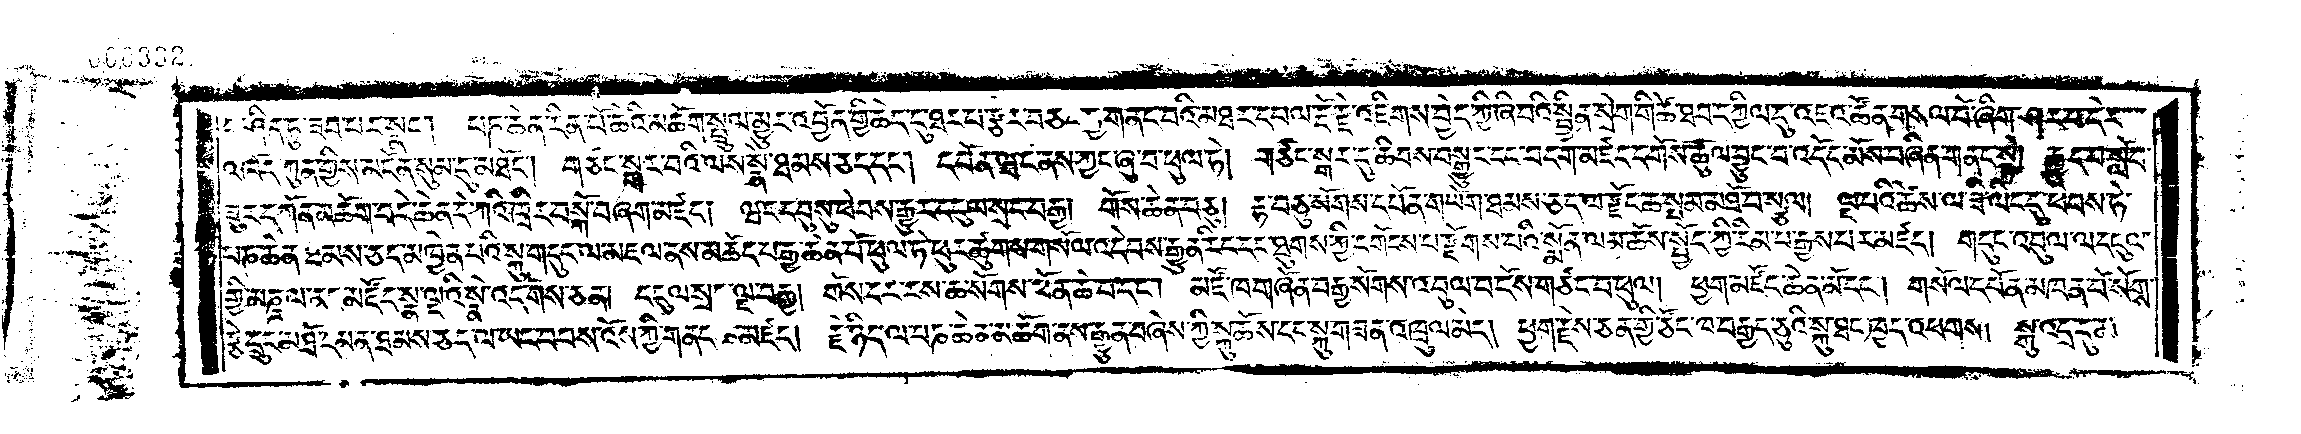པ་ཤིན་ཏུ་ཟབ་པར་སྣང་། པཎ་ཆེན་རིན་པོ་ཆེའི་མཆོག་སྤྲུལ་མྱུར་འབྱོན་གྱི་ཆེད་དུ་ཐར་པ་རྩར་བཅད་རྒྱ་གནང་བའི་མཐར་དཔལ་རྡོ་རྗེ་འཇིགས་བྱེད་ཀྱི་ཞི་བའི་སྦྱིན་སྲེག་གི་ཚེ་ཐབ་དཀྱིལ་དུ་འཇའ་ཚོན་གསལ་བོ་ཞིག་ཤར་པ་དེར་
འཁོད་ཀུན་གྱིས་མངོན་སུམ་དུ་མཐོང་། གཙང་སྒར་བའི་ལས་སྣེ་ཐམས་ཅད་དང་། དཔོན་ཝང་ནས་ཀྱང་ཞུ་བ་ཕུལ་ཏེ། །གཙང་སྒར་དུ་ཆིབས་བསྒྱུར་ངང་བདག་མཛད་དགོས་ཚུལ་བྱུང་བ་འདོད་མོས་བཞིན་གནང་སྟེ། རྒྱུད་པ་སློབ་
ཟུར་དཀོན་མཆོག་བདེ་ཆེན་དེ་ཀའི་ཁྲིར་བསྐོ་བཞག་མཛད། ཝང་དབུ་སུ་ཕེབས་རྒྱུར་དངུལ་སྲང་བརྒྱ། གོས་ཆེན་བཅུ། རྟ་བཅུ་སོགས་དབོན་གཡོག་ཐམས་ཅད་ལ་རྫོང་ཆ་སྤམ་མཐོ་བ་སྩལ། ལྔ་པའི་ཚེས་ལ་ཟི་ལིང་དུ་ཕེབས་ཏེ་
པཎ་ཆེན་ཐམས་ཅད་མཁྱེན་པའི་སྐུ་གདུང་ལ་མཇལ་ནས་མཆོད་པ་རྒྱ་ཆེན་པོ་ཕུལ་ཏེ་ཕུར་ཚུགས་གསོལ་འདེབས་རྒྱུན་རིང་དང་ཐུགས་ཀྱི་དགོངས་པ་རྫོགས་པའི་སྨོན་ལམ་ཆོས་སྤྱོད་ཀྱི་རིམ་པ་རྒྱས་པར་མཛད། གདུང་འབུལ་ལ་དངུལ་
གྱི་མཎྜལ་ནང་མཛོད་སྣ་ལྔའི་སྣེ་འདོགས་ཅན། དངུལ་སྲང་ལྔ་བརྒྱ། གོས་དར་རས་ཆ་སོགས་ཕོན་ཆེ་བ་དང་། མཛོ་ཁ་གཞོན་བརྒྱ་སོགས་འབུལ་བ་ངོས་གཙང་བ་ཕུལ། ཕྱག་མཛོད་ཆེན་མོ་དང་། གསོལ་དཔོན་མཁན་པོ་སོགས་
རྩེ་དྲུང་མཐོ་དམན་ཐམས་ཅད་ལ་ཡང་བབས་འོས་ཀྱི་གནང་ཆ་མཛད། རྗེ་ཉིད་ལ་པཎ་ཆེན་མཆོག་ནས་རྒྱུན་བཞེས་ཀྱི་སྐུ་ཆོས་དང་སྐུ་གཟན་འཁྲུལ་མེད། ཕྱག་རྗེས་ཅན་གྱི་ཙོང་ཁ་བརྒྱད་ཅུའི་སྐུ་ཐང་ཁྱད་འཕགས། སྐུ་འདྲ་དུ་མ་